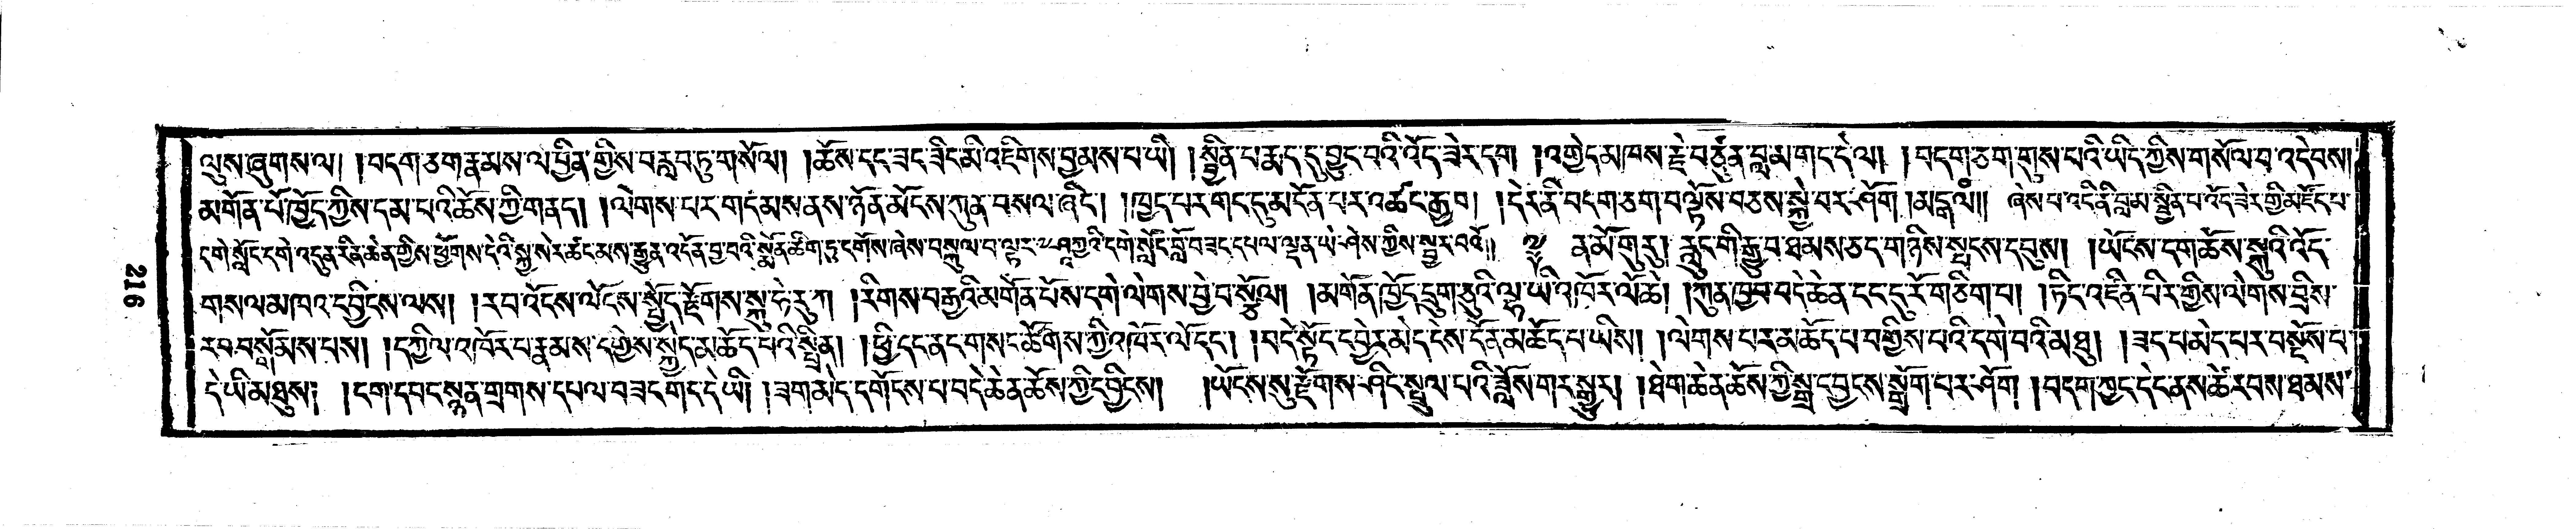ལུས་ཞུགས་ལ། །བདག་ཅག་རྣམས་ལ་བྱིན་གྱིས་བརླབ་ཏུ་གསོལ། །ཆོས་དང་ཟང་ཟིང་མི་འཇིགས་བྱམས་པ་ཡི། །སྦྱིན་པ་རྨད་དུ་བྱུང་བའི་འོད་ཟེར་དག །འགྱེད་མཁས་རྗེ་བཙུན་བླ་མ་གང་དེ་ལ། །བདག་ཅག་གུས་པའི་ཀྱིས་གསོལ་བ་འདེབས།
མགོན་པོ་ཁྱོད་ཀྱིས་དམ་པའི་ཆོས་ཀྱི་གནད། །ལེགས་པར་གདམས་ནས་ཉོན་མོངས་ཀུན་བསལ་ཞིང་། །ཁྱད་པར་གང་དུ་མངོན་པར་འཚང་རྒྱབ། །དེར་ནི་བདག་ཅག་བལྟོས་བཅས་སྐྱེ་བར་ཤོག །མངྒ་ལཾ།། ཞེས་པ་འདི་ནི་བླ་མ་སྦྱིན་པ་འོད་ཟེར་གྱི་མཛོད་པ་
དགེ་སློང་དགེ་འདུན་རིན་ཆེན་གྱིས་ཕྱོགས་དེའི་སྐྱ་སེར་ཚང་མས་རྒྱུན་འདོན་བྱ་བའི་སྨོན་ཚིག་ཏུ་དགོས་ཞེས་བསྐུལ་བ་ལྟར་༧་ཤཱཀྱའི་དགེ་སློང་བློ་བཟང་དཔལ་ལྡན་ཡེ་ཤེས་ཀྱིས་སྦྱར་བའོ།། ༈ ན་མོ་གུ་རུ། རླུང་གི་རྒྱུ་བ་ཐམས་ཅད་གཉིས་སྤངས་དབུས། །ཡོངས་དག་ཆོས་སྐུའི་འོད་
གསལ་མཁའ་དབྱིངས་ལས། །རབ་འོངས་ལོངས་སྤྱོད་རྫོགས་སྐུ་ཧེ་རུ་ཀ །རིགས་བརྒྱའི་མགོན་པོས་དགེ་ལེགས་བྱེ་བ་སྩོལ། །མགོན་ཁྱོད་དྲུག་ཅུའི་ལྷ་ཡི་འཁོར་ལོ་ཆེ། །ཀུན་ཁྱབ་བདེ་ཆེན་དང་དུ་རོ་གཅིག་པ། །ཏིང་འཛིན་པིར་གྱིས་ལེགས་བྲིས་
རབ་བསྒོམས་པས། །དཀྱིལ་འཁོར་པ་རྣམས་དགྱེས་སྐྱེད་མཆོད་པའི་སྤྲིན། །ཕྱི་དང་ནང་གསང་ཚོགས་ཀྱི་འཁོར་ལོ་དང་། །བདེ་སྟོང་དབྱེར་མེད་དེས་དོན་མཆོད་པ་ཡིས། །ལེགས་པར་མཆོད་པ་བགྱིས་པའི་དགེ་བའི་མཐུ། །ཟད་པ་མེད་པར་བསྡོས་པ་
དེ་ཡི་མཐུས། །ངག་དབང་སྙན་གྲགས་དཔལ་བཟང་གང་དེ་ཡི། །ཟག་མེད་དགོངས་པ་བདེ་ཆེན་ཆོས་ཀྱི་དབྱིངས། །ཡོངས་སུ་རྫོགས་ཤིང་སྤྲུལ་པའི་ཟློས་གར་སྒྱུར། །ཐེག་ཆེན་ཆོས་ཀྱི་སྒྲ་དབྱངས་སྒྲོག་པར་ཤོག །བདག་ཀྱང་དེང་ནས་ཚེ་རབས་ཐམས་